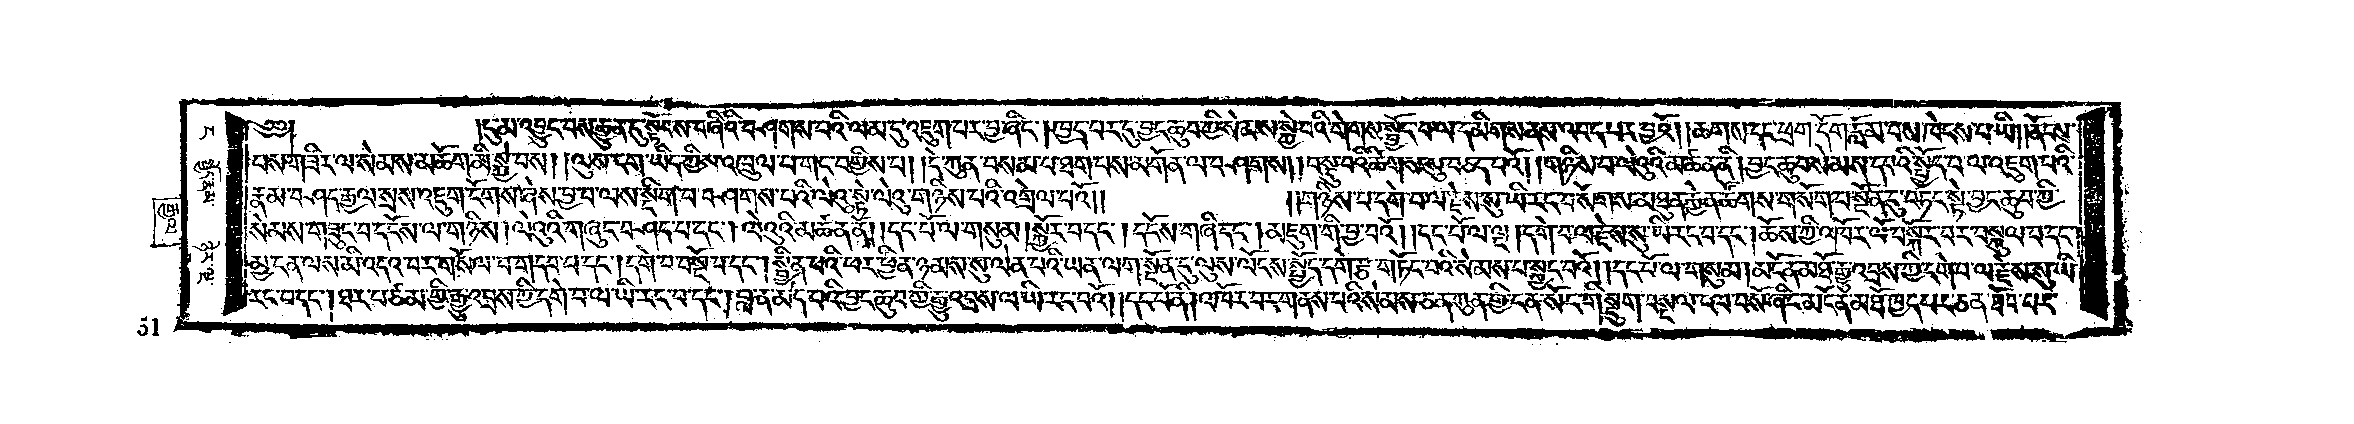༄༅། །དུ་མ་འབྱུང་བས་རྒྱུན་དུ་སྟོངས་བཞིའི་བཤགས་པའི་ལམ་དུ་འཇུག་པར་བྱ་ཞིང་། ཁྱད་པར་དུ་བྱང་ཆུབ་ཀྱི་སེམས་སྐྱེ་བའི་གེགས་སྦྱོང་བ་ལ་དམིགས་ནས་འབད་པར་བྱའོ། །ཆགས་དང་ཕྲག་དོག་རློམ་བས་ཁེངས་པ་ཡི། ནོངས་
པས་གཟིར་ལ་སེམས་མཆོག་མི་སྐྱེ་བས། །ལུས་ངག་ཡིད་ཀྱིས་འཁྲུལ་པ་གང་བགྱིས་པ། །དེ་ཀུན་བསམ་པ་ཐག་པས་མགོན་ལ་བཤགས། །བསྡུ་བའི་ཚིགས་སུ་བཅད་པའོ། །གཉིས་པ་ལེའུའི་མཚན་ནི། བྱང་ཆུབ་སེམས་དཔའི་སྤྱོད་པ་ལ་འཇུག་པའི་
རྣམ་བཤད་རྒྱལ་སྲས་འཇུག་ངོགས་ཞེས་བྱ་བ་ལས་སྡིག་པ་བཤགས་པའི་ལེའུ་སྟེ་ལེའུ་གཉིས་པའི་འགྲེལ་པའོ།། །།གཉིས་པ་དགེ་བ་ལ་རྗེས་སུ་ཡི་རང་བ་སོགས་མཐུན་རྐྱེན་ཚོགས་གསོག་པ་སྔོན་དུ་བཏང་སྟེ་བྱང་ཆུབ་ཀྱི་
སེམས་གཟུང་བ་དངོས་ལ་གཉིས། ལེའུའི་གཞུང་བཤད་པ་དང་། ལེའུའི་མཚན་ནོ། །དང་པོ་ལ་གསུམ། སྐྱོར་བ་དང་། དངོས་གཞི་དང་། མཇུག་གི་བྱ་བའོ། །དང་པོ་ལ་ལྔ། དགེ་བ་ལ་རྗེས་ཡི་རང་བ་དང་། ཆོས་ཀྱི་འཁོར་ལོ་བསྐོར་བར་བསྐུལ་བ་དང་།
མྱ་ངན་ལས་མི་འདའ་བར་གསོལ་བ་གདབ་པ་དང་། སྦྱིན་པའི་ཕ་ཕྱིན་ཉམས་སུ་ལེན་པའི་ཡན་ལག་སྔོན་དུ་ལུས་ལོངས་སྤྱོད་དགེ་རྩ་གཏོང་བའི་སེམས་པ་སྐྱང་བའོ། །དང་པོ་ལ་གསུམ། མངོན་མཐོ་རྒྱུ་འབྲས་ཀྱི་དགེ་བ་ལ་རྗེས་སུ་ཡི་
རང་བ་དང་། ཐར་པ་ཙམ་གྱི་རྒྱུ་འབྲས་ཀྱི་དགེ་བ་ལ་ཡི་རང་བ་དང་། བླ་ན་མེད་པའི་བྱང་ཆུབ་ཀྱི་རྒྱུ་འབྲས་ལ་ཡི་རང་བའོ། །དང་པོ་ནི། འཁོར་བར་གནས་པའི་སེམས་ཅན་ཀུན་གྱི་ངན་སོང་གི་སྡུག་བསྔལ་ངལ་བསོ་ཞིང་མངོན་མཐོང་ཁྱད་པར་ཅན་ཐོབ་པར་